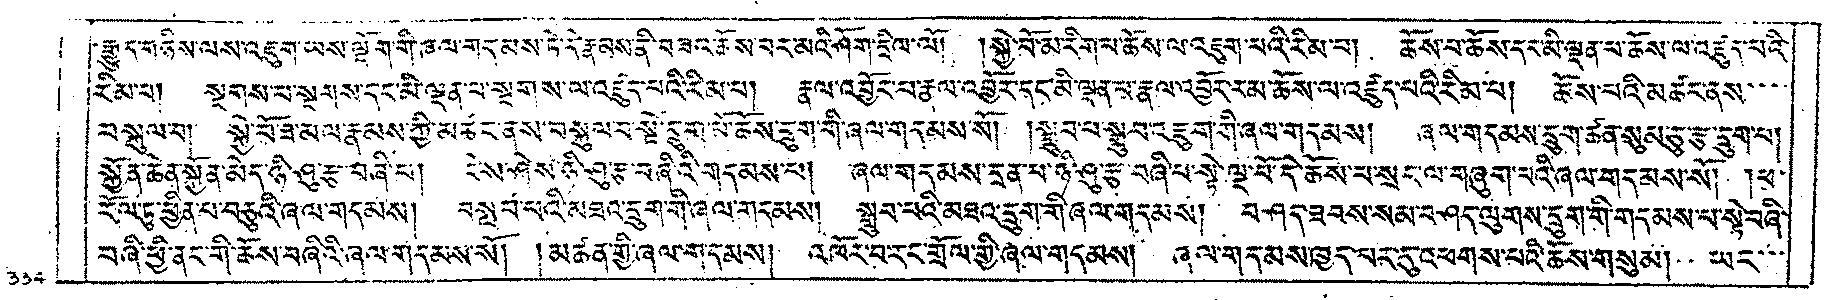རྒྱུད་གཉིས་ལས་འཇུག་ཡས་ལྡོག་གི་ཞལ་གདམས་ཏེ་དེ་རྣམས་ནི་བཟའ་ཆོས་བར་མའི་ཤོག་དྲིལ་ལོ། །སྐྱེ་བོ་མ་རིག་པ་ཆོས་ལ་འཇུག་པའི་རིམ་པ། ཆོས་པ་ཆོས་དང་མི་ལྡན་པ་ཆོས་ལ་འཛུད་པའི་
རིམ་པ། སྔགས་པ་སྔགས་དང་མི་ལྡན་པ་སྔགས་ལ་འཛུད་པའི་རིམ་པ། རྣལ་འབྱོར་པ་རྣལ་འབྱོར་དང་མི་ལྡན་པ་རྣལ་འབྱོར་རམ་ཆོས་ལ་འཛུད་པའི་རིམ་པ། ཆོས་པའི་མཚང་ནས་
བསྐུལ་པ། སྐྱེ་བོ་ཐ་མལ་རྣམས་ཀྱི་མཚང་ནས་བསྐུལ་བ་སྟེ་དྲུག་པོ་ཆོས་དྲུག་གི་ཞལ་གདམས་སོ། །སྒྲུབ་པ་སྒྲུབ་འཇུག་གི་ཞལ་གདམས། ཞལ་གདམས་དྲུག་ཚན་སུམ་ཅུ་རྩ་དྲུག་པ།
སྐྱོན་ཆེན་སྐྱོན་མེད་ཉི་ཤུ་རྩ་བཞི་པ། ངེས་ཤེས་ཉི་ཤུ་རྩ་བཞིའི་གདམས་པ། ཞལ་གདམས་དྲན་པ་ཉི་ཤུ་རྩ་བཞི་པ་སྟེ་ལྔ་པོ་དེ་ཆོས་པ་སྲང་ལ་གཞུག་པའི་ཞལ་གདམས་སོ། །ཕ་
རོལ་ཏུ་ཕྱིན་པ་བཅུའི་ཞལ་གདམས། བསླབ་པའི་མཐའ་དྲུག་གི་ཞལ་གདམས། སྒྲུབ་པའི་མཐའ་དྲུག་གི་ཞལ་གདམས། བཤད་ཐབས་སམ་བཤད་ལུགས་དྲུག་གི་གདམས་པ་སྟེ་བཞི་
བཞི་ཕྱི་ནང་གི་ཆོས་བཞིའི་ཞལ་གདམས་སོ། །མཚན་གྱི་ཞལ་གདམས། འཁོར་བ་རང་གྲོལ་གྱི་ཞལ་གདམས། ཞལ་གདམས་ཁྱད་པར་དུ་འཕགས་པའི་ཆོས་གསུམ། ཡང་